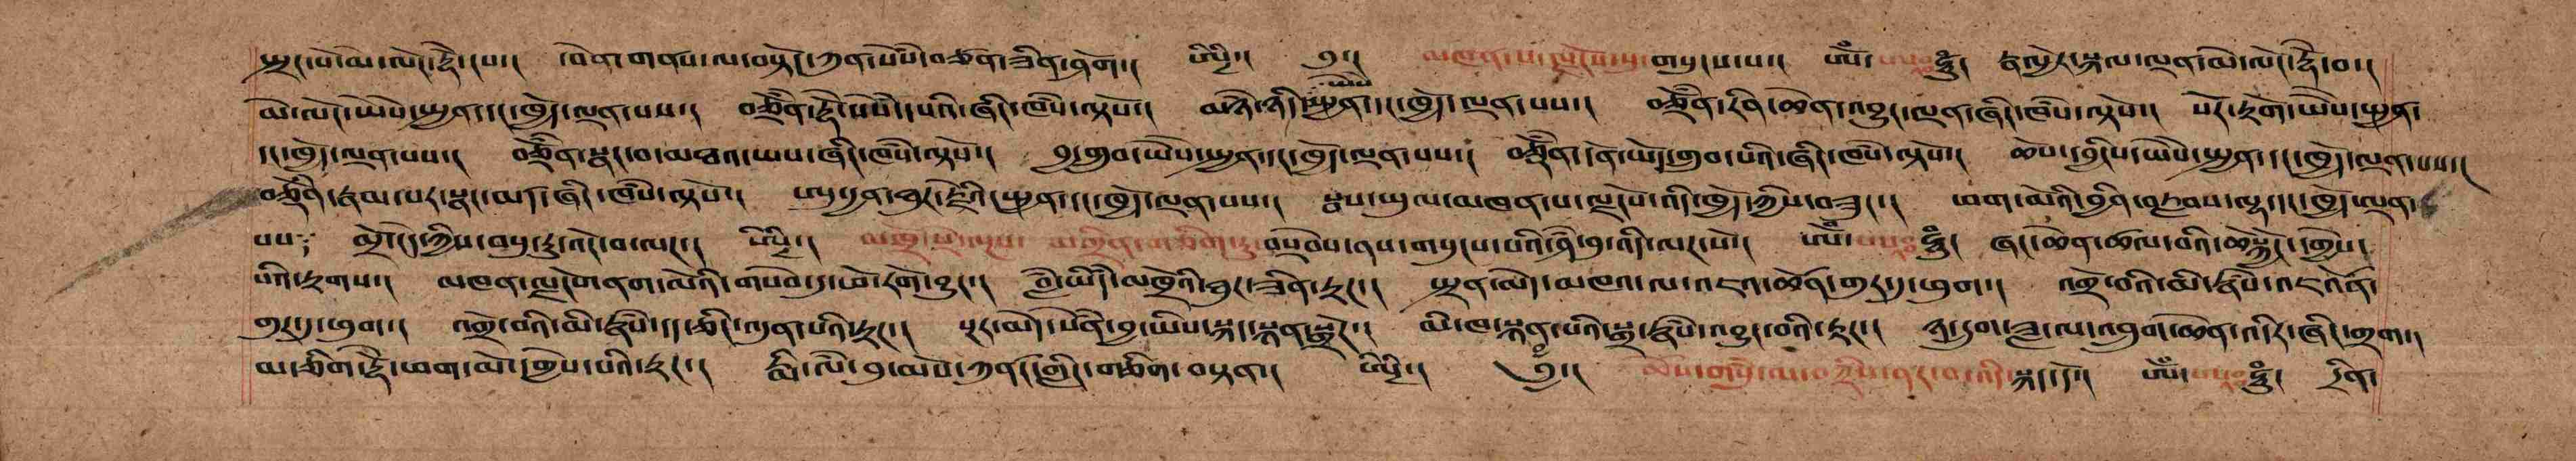སྤྲང་པོ་མེ་ལོང་རྡོ་རྗེ་ངས།། དབེན་གནས་ལ་བསྟོད་ཀུན་སེམས་བཙན་ཟིན་ཤོག། ཨིཊི།། ༄་། མཁན་པ་རྫོངས་སུ་གསུངས་པ།། ཨོཾ་ཨཱཿཧཱུཾ།། རྣལ་འབྱོར་སྐལ་ལྡན་མེ་ལོང་རྡོ་རྗེ་བ།། 
མེ་ལོང་ཡེ་ཤེས་སྤྱན་དང་ཁྱོད་ལྡན་པས།། བཅོམ་ལྡན་རྡོ་རྗེ་སེམས་དཔའི་ཞིང་ཁམས་ལྟོས།། མཉམ་ཉིད་ཡེ་ཤེས་སྤྱན་དང་ཁྱོིད་ལྡན་པས།། བཅོམ་ལྡན་དོན་ཡོད་གྲུབ་པའི་ཞིང་ཁམས་ལྟོས།། སོར་རྟོག་ཡེ་ཤེས་སྤྱན་
དང་ཁྱོད་ལྡན་པས། བཅོམ་ལྡན་སྣང་བ་མཐའ་ཡས་ཞིང་ཁམས་ལྟོས།། བྱ་གྲུབ་ཡེ་ཤེས་སྤྱན་དང་ཁྱོིད་ལྡན་པས།། བཅོམ་ལྡན་དོན་ཡོན་གྲུབ་པའི་ཞིང་ཁམས་ལྟོས།། ཆོས་དབྱིངས་ཡེ་ཤེས་སྤྱན་དང་ཁྱོད་ལྡན་པས།
བཅོམ་ལྡན་རྣམ་པར་སྣང་མཛད་ཞིང་ཁམས་ལྟོས།། ཨུ་རྒྱན་ཐུགས་རྗེའི་སྤྱན་དང་ཁྱོད་ལྡན་པས།། སྦས་ཡུལ་མཁན་པ་ལྗོངས་འདི་ཁྱོད་ཀྱིས་བཟུང་།། ཕག་མོའི་བྱིན་རླབས་ལྷ་དང་ཁྱོད་ལྡན་
པས།། མཁའ་འགྲོ་ངེད་ཀྱིས་བསུ་རུ་འོང་བ་ལགས།། ཨིཊི།། མཁའ་འགྲོ་སྡེ་ལྔས། མགྲིན་གཅིག་ཏུ་བསྡེབས་ནས་གསུངས་པའི་ཤམ་བུ་འདི་ལགས་སོ།། ཨོཾ་ཨཱཿཧཱུཾ། ཞང་ཆེན་ཚལ་པའི་ཆོས་སྐྱོང་དགྱེས་
པའི་རྟགས།། མཁན་ལྗོངས་ནག་མོའི་གསེབ་ཏུ་ཕོ་རོག་བྱུང་།། བླ་མ་ཡིད་དམ་མཁའ་འགྲོའི་ཐུགས་ཟིན་རྟགས།། སྤྲིན་མེད་མཁའ་ལ་འཇའ་ཚོན་གུར་དུ་ཕུག། འགྲོ་བའི་མི་རྣམས་འཇའ་ཚོན་
གུར་དུ་ཕུག། འགྲོ་བའི་མི་རྣམས་དད་ཅིང་འདུན་པའི་རྟགས།། སྔར་མེད་སེམས་ཅན་བྱ་ཡིས་སྐད་སྙན་སྒྲོགས།། མི་ཁ་སྙན་པའི་སྒྲ་རྣམས་འབྱུང་བའི་རྟགས།། ཉ་དྲུག་ཟླ་ལ་འབྲུག་ཆེན་འདིར་ཞིང་གྲགས།།
མ་ཅིག་རྡོ་རྗེ་ཕག་མོ་དགྱེས་པའི་རྟགས།། རྨི་ལམ་བུ་མོས་ཀུན་བཟང་གླིང་གཅིག་བསྟན།། ཨིཊི།། ༄་། ཚེས་གསུམ་ལ་བཀྲ་ཤིས་ཤར་བ་འདི་སྐད་དོ།། ཨོཾ་ཨཱཿཧཱུཾ། དྲིན་